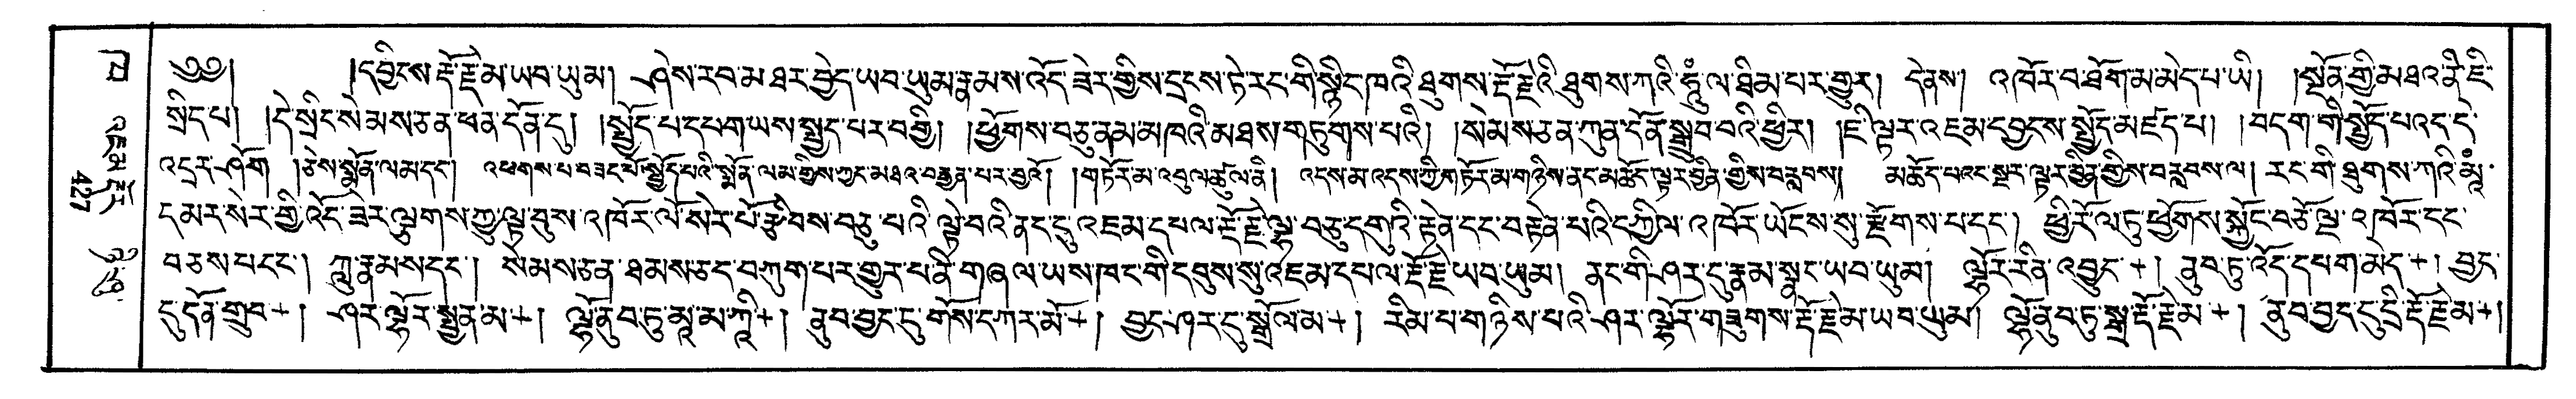༄༅། །དབྱིངས་རྡོ་རྗེ་མ་ཡབ་ཡུམ། ཤེས་རབ་མཐར་བྱེད་ཡབ་ཡུམ་རྣམས་འོད་ཟེར་གྱིས་དྲངས་ཏེ་རང་གི་སྙིང་ཁའི་ཐུགས་རྡོ་རྗེའི་ཐུགས་ཀའི་ཧཱུཾ་ལ་ཐིམ་པར་གྱུར། དེ་ནས་འཁོར་བ་ཐོག་མ་མེད་པ་ཡི། །སྔོན་གྱི་མཐའ་ནི་ཇི་
སྲིད་པ། །དེ་སྲིད་སེམས་ཅན་ཕན་དོན་དུ། །སྤྱོད་པ་དཔག་ཡས་སྤྱད་པར་བགྱི། །ཕྱོགས་བཅུ་ནམ་མཁའི་མཐས་གཏུགས་པའི། །སེམས་ཅན་ཀུན་དོན་སྒྲུབ་བྱའི་ཕྱིར། ཇི་ལྟར་འཇམ་དབྱངས་སྤྱོད་མཛད་པ། །བདག་གི་སྦྱོད་པའང་དེ་
འདྲར་ཤོག །ཅེས་སྨོན་ལམ་དང་། འཕགས་པ་བཟང་པོ་སྤྱོད་པའི་སྨོན་ལམ་གྱིས་ཀྱང་མཐའ་བརྒྱན་པར་བྱའོ། །གཏོར་མ་འབུལ་ཚུལ་ནི། འདས་མ་འདས་ཀྱི་གཏོར་མ་གཉིས་ནང་མཆོད་ལྟར་བྱིན་གྱིས་བརླབས། མཆོད་པའང་སྔར་ལྟར་བྱིན་གྱིས་བརླབས་ལ། རང་གི་ཐུགས་ཀའི་མཱཾ་
དམར་སེར་གྱི་འོད་ཟེར་ལྕགས་ཀྱུ་ལྟ་བུས་འཁོར་ལོ་སེར་པོ་རྩིབས་བཅུ་པའི་ལྟེ་བའི་ནང་དུ་འཇམ་དཔལ་རྡོ་རྗེ་ལྷ་བཅུ་དགུའི་རྟེན་དང་བརྟེན་པའི་དཀྱིལ་འཁོར་ཡོངས་སུ་རྫོགས་པ་དང་། ཕྱི་རོལ་ཏུ་ཕྱོགས་སྐྱོང་བཅོ་ལྔ་འཁོར་དང་
བཅས་པ་དང་། ཀླུ་རྣམས་དང་། སེམས་ཅན་ཐམས་ཅད་བཀུག་པར་གྱུར་པ་ནི་གཞལ་ཡས་ཁང་གི་དབུས་སུ་འཇམ་དཔལ་རྡོ་རྗེ་ཡབ་ཡུམ། ནང་གི་ཤར་དུ་རྣམ་སྣང་ཡབ་ཡུམ། ལྷོར་རིན་འབྱུང་+། ནུབ་ཏུ་འོད་དཔག་མེད་+། བྱང་
དུ་དོན་གྲུབ་+། ཤར་ལྷོར་སྤྱན་མ་+། ལྷོ་ནུབ་ཏུ་མཱ་མ་ཀཱི། ནུབ་བྱང་དུ་གོས་དཀར་མོ་+། བྱང་ཤར་དུ་སྒྲོལ་མ་+། རིམ་པ་གཉིས་པའི་ཤར་ལྷོར་གཟུགས་རྡོ་རྗེ་མ་ཡབ་ཡུམ། ལྷོ་ནུབ་ཏུ་སྒྲ་རྡོ་རྗེ་མ་+། ནུབ་བྱང་དུ་དྲི་རྡོ་རྗེ་མ་+།